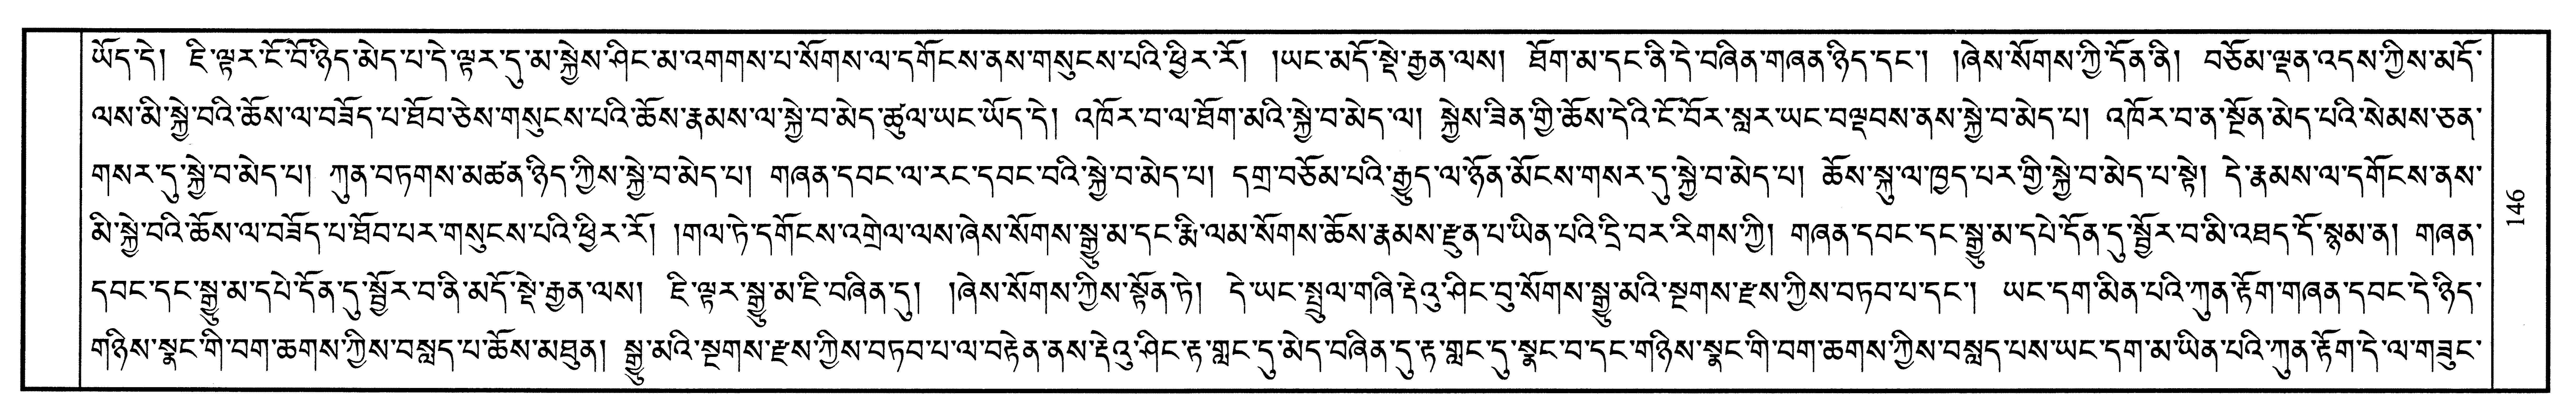ཡོད་དེ། ཇི་ལྟར་ངོ་བོ་ཉིད་མེད་པ་དེ་ལྟར་དུ་མ་སྐྱེས་ཤིང་མ་འགགས་པ་སོགས་ལ་དགོངས་ནས་གསུངས་པའི་ཕྱིར་རོ། །ཡང་མདོ་སྡེ་རྒྱན་ལས། ཐོག་མ་དང་ནི་དེ་བཞིན་གཞན་ཉིད་དང་། །ཞེས་སོགས་ཀྱི་དོན་ནི། བཅོམ་ལྡན་འདས་ཀྱིས་མདོ་
ལས་མི་སྐྱེ་བའི་ཆོས་ལ་བཟོད་པ་ཐོབ་ཅེས་གསུངས་པའི་ཆོས་རྣམས་ལ་སྐྱེ་བ་མེད་ཚུལ་ཡང་ཡོད་དེ། འཁོར་བ་ལ་ཐོག་མའི་སྐྱེ་བ་མེད་ལ། སྐྱེས་ཟིན་གྱི་ཆོས་དེའི་ངོ་བོར་སླར་ཡང་བལྡབས་ནས་སྐྱེ་བ་མེད་པ། འཁོར་བ་ན་སྔོན་མེད་པའི་སེམས་ཅན་
གསར་དུ་སྐྱེ་བ་མེད་པ། ཀུན་བཏགས་མཚན་ཉིད་ཀྱིས་སྐྱེ་བ་མེད་པ། གཞན་དབང་ལ་རང་དབང་པའི་སྐྱེ་བ་མེད་པ། དགྲ་བཅོམ་པའི་རྒྱུད་ལ་ཉོན་མོངས་གསར་དུ་སྐྱེ་བ་མེད་པ། ཆོས་སྐུ་ལ་ཁྱད་པར་གྱི་སྐྱེ་བ་མེད་པ་སྟེ། དེ་རྣམས་ལ་དགོངས་ནས་
མི་སྐྱེ་བའི་ཆོས་ལ་བཟོད་པ་ཐོབ་པར་གསུངས་པའི་ཕྱིར་རོ། །གལ་ཏེ་དགོངས་འགྲེལ་ལས་ཞེས་སོགས་སྒྱུ་མ་དང་རྨི་ལམ་སོགས་ཆོས་རྣམས་རྫུན་པ་ཡིན་པའི་དྲི་བར་རིགས་ཀྱི། གཞན་དབང་དང་སྒྱུ་མ་དཔེ་དོན་དུ་སྦྱོར་བ་མི་འཐད་དོ་སྙམ་ན། གཞན་
དབང་དང་སྒྱུ་མ་དཔེ་དོན་དུ་སྦྱོར་བ་ནི་མདོ་སྡེ་རྒྱན་ལས། ཇི་ལྟར་སྒྱུ་མ་ཇི་བཞིན་དུ། །ཞེས་སོགས་ཀྱིས་སྟོན་ཏེ། དེ་ཡང་སྤྲུལ་གཞི་རྡེའུ་ཤིང་བུ་སོགས་སྒྱུ་མའི་སྔགས་རྫས་ཀྱིས་བཏབ་པ་དང་། ཡང་དག་མིན་པའི་ཀུན་རྟོག་གཞན་དབང་དེ་ཉིད་
གཉིས་སྣང་གི་བག་ཆགས་ཀྱིས་བསླད་པ་ཆོས་མཐུན། སྒྱུ་མའི་སྔགས་རྫས་ཀྱིས་བཏབ་པ་ལ་བརྟེན་ནས་རྡེའུ་ཤིང་རྟ་གླང་དུ་མེད་བཞིན་དུ་རྟ་གླང་དུ་སྣང་བ་དང་གཉིས་སྣང་གི་བག་ཆགས་ཀྱིས་བསླད་པས་ཡང་དག་མ་ཡིན་པའི་ཀུན་རྟོག་དེ་ལ་གཟུང་